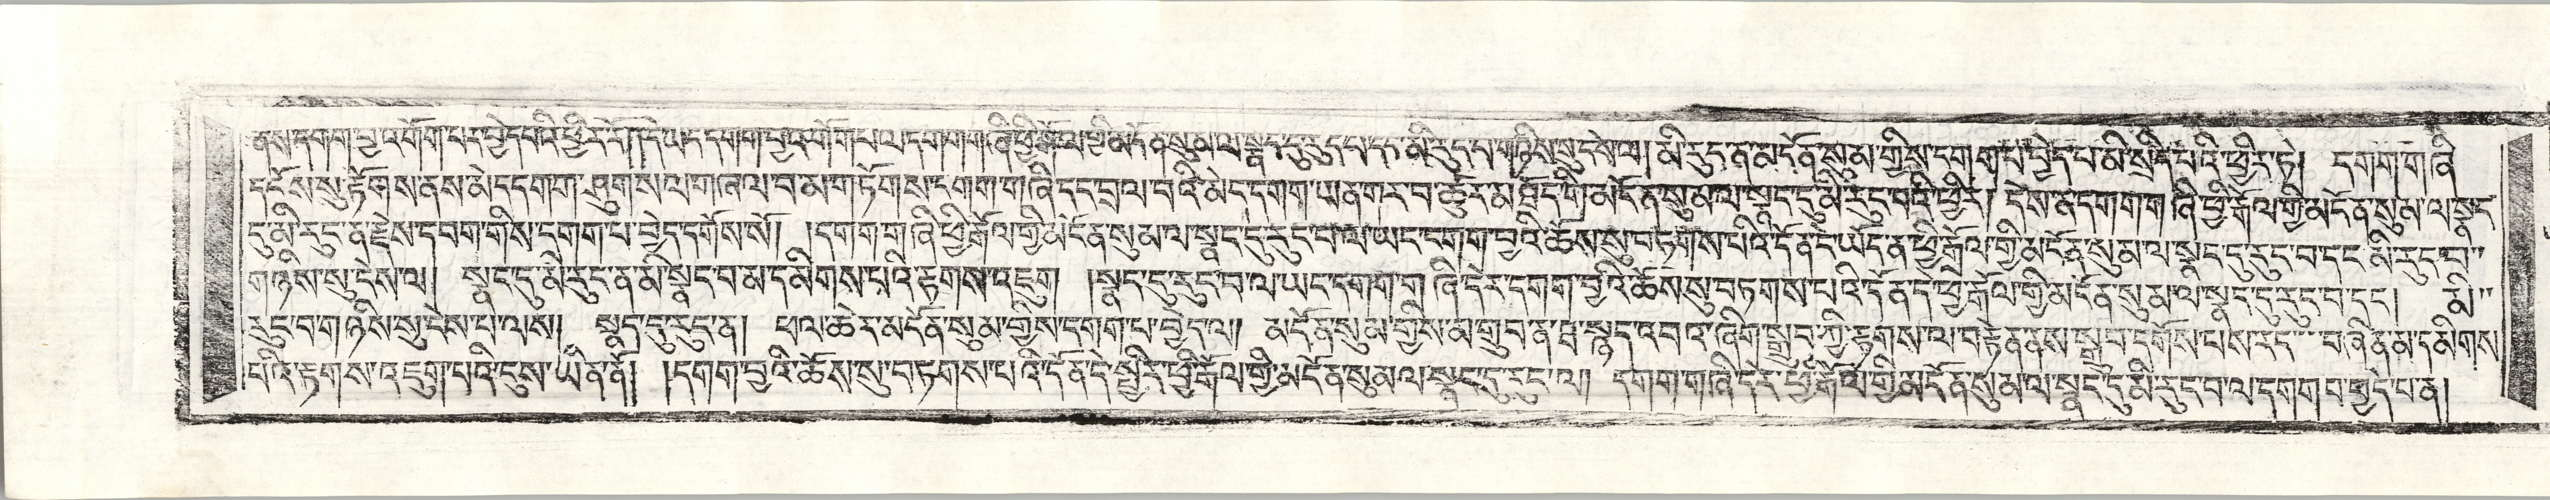ནས་དགག་བྱ་འགོག་པར་བྱེད་པའི་ཕྱིར་རོ། །དེ་ཡང་དགག་བྱ་འགོག་པ་ལ་དགག་གཞི་ཕྱི་རྒོལ་གྱི་མངོན་སུམ་ལ་སྣང་དུ་རུང་བ་དང་མི་རུང་བ་གཉིས་སུ་ངེས་ལ། མི་རུང་ན་མངོན་སུམ་གྱིས་དགག་པ་བྱེད་པ་མི་སྲིད་པའི་ཕྱིར་ཏེ། དགག་གཞི་
དངོས་སུ་རྟོགས་ནས་མེད་དགག་ཤུགས་ལ་གཞལ་བ་མ་གཏོགས་དགག་གཞི་དང་བྲལ་བའི་མེད་དགག་ཡན་གར་བ་ཚུར་མཐོང་གི་མངོན་སུམ་ལ་སྣང་དུ་མི་རུང་བའི་ཕྱིར། དེས་ན་དགག་གཞི་ཕྱི་རྒོལ་གྱི་མངོན་སུམ་ལ་སྣང་
དུ་མི་རུང་ན་རྗེས་དཔག་གིས་དགག་པ་བྱེད་དགོས་སོ། །དགག་གཞི་ཕྱི་རྒོལ་གྱི་མངོན་སུམ་ལ་སྣང་དུ་རུང་བ་ལ་ཡང་དགག་བྱའི་ཆོས་སུ་བཏགས་པའི་དོན་དེ་ཡོད་ན་ཕྱི་རྒོལ་གྱི་མངོན་སུམ་ལ་སྣང་དུ་རུང་བ་དང་མི་རུང་བ་
གཉིས་སུ་ངེས་ལ། སྣང་དུ་མི་རུང་ན་མི་སྣང་བ་མ་དམིགས་པའི་རྟགས་འཇུག །སྣང་དུ་རུང་བ་ལ་ཡང་དགག་གཞི་དེར་དགག་བྱའི་ཆོས་སུ་བཏགས་པའི་དོན་དེ་ཕྱི་རྒོལ་གྱི་མངོན་སུམ་ལ་སྣང་དུ་རུང་བ་དང་། མི་
རུང་བ་གཉིས་སུ་ངེས་པ་ལས། སྣང་དུ་རུང་ན། ཕལ་ཆེར་མངོན་སུམ་གྱིས་དགག་པ་བྱེད་ལ། མངོན་སུམ་གྱིས་མ་གྲུབ་ན་ཐ་སྙད་འབའ་ཞིག་སྒྲུབ་ཀྱི་རྟགས་ལ་བརྟེན་ནས་སྒྲུབ་དགོས་པས་རང་བཞིན་མ་དམིགས་
པའི་རྟགས་འཇུག་པའི་དུས་ཡིན་ནོ།། དགག་བྱའི་ཆོས་སུ་བཏགས་པའི་དོན་དེ་སྤྱིར་ཕྱི་རྒོལ་གྱི་མངོན་སུམ་ལ་སྣང་དུ་རུང་ལ། དགག་གཞི་དེར་ཕྱི་རྒོལ་གྱི་མངོན་སུམ་ལ་སྣང་དུ་མི་རུང་བ་ལ་དགག་པ་བྱེད་པ་ན།